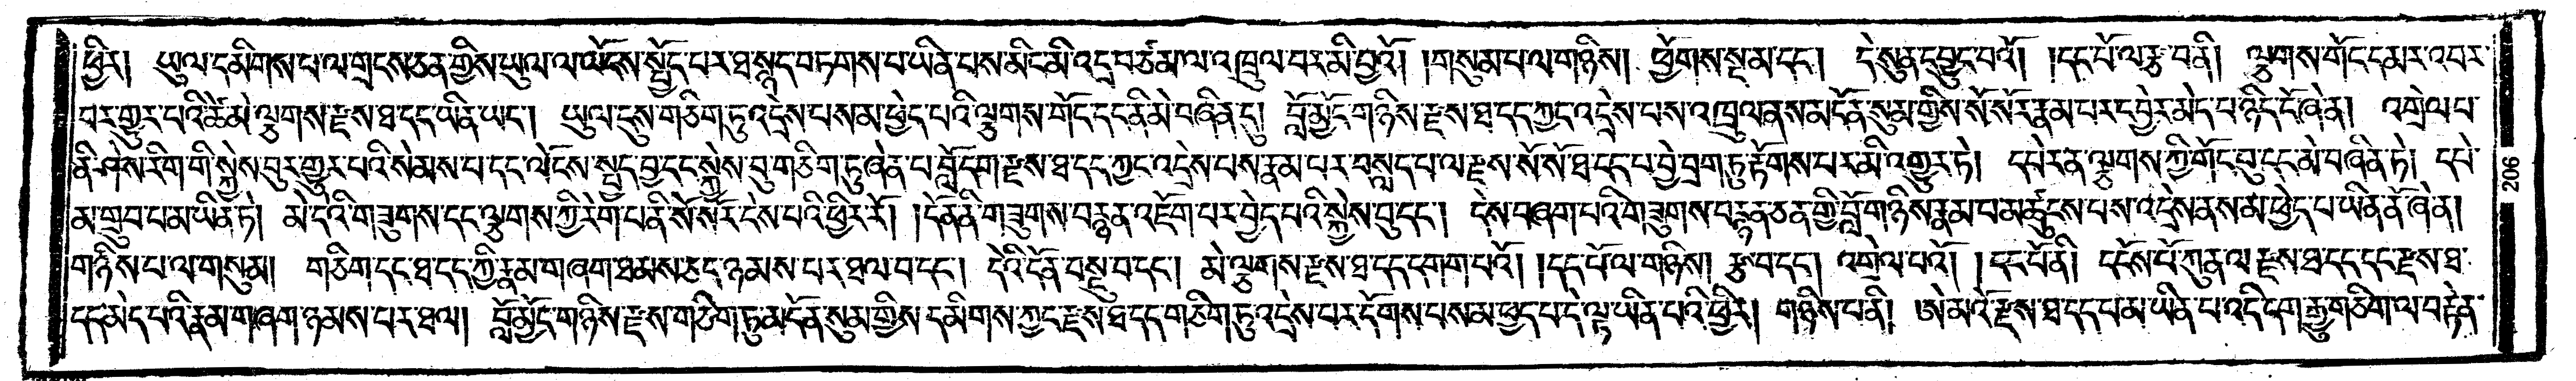ཕྱིར། ཡུལ་དམིགས་པ་ལ་གྲངས་ཅན་གྱིས་ཡུལ་ལ་ལོངས་སྤྱོད་པར་ཐ་སྙད་བཏགས་པ་ཡིན་པས་མིང་མི་འདྲ་བ་ཙམ་ལ་འཁྲུལ་བར་མི་བྱའོ། །གསུམ་པ་ལ་གཉིས། ཕྱོགས་སྔ་མ་དང་། དེ་སུན་དབྱུང་བའོ། །དང་པོ་ལ་རྩ་བ་ནི། ལྕགས་གོང་དམར་འབར་
བར་གྱུར་པའི་ཚེ་མེ་ལྕགས་རྫས་ཐ་དད་ཡིན་ཡང་། ཡུལ་དུས་གཅིག་ཏུ་འདྲེས་པས་མ་ཕྱེད་པའི་ལྕགས་གོང་དང་ནི་མེ་བཞིན་དུ། བློ་མྱོང་གཉིས་རྫས་ཐ་དད་ཀྱང་འདྲེས་པས་འཁྲུལ་ནས་མངོན་སུམ་གྱིས་སོ་སོར་རྣམ་པར་དབྱེར་མེད་པ་ཉིད་དོ་ཞེ་ན། འགྲེལ་པ་
ནི་ཤེས་རིག་གི་སྐྱེས་བུར་གྱུར་པའི་སེམས་པ་དང་ལོངས་སྤྱད་བྱ་དང་སྐྱེས་བུ་གཅིག་ཏུ་ཞེན་པ་བློ་དག་རྫས་ཐ་དད་ཀྱང་འདྲེས་པས་རྣམ་པར་བསླད་པ་ལ་རྫས་སོ་སོ་ཐ་དད་པ་བྱེ་བྲག་ཏུ་རྟོགས་པར་མི་འགྱུར་ཏེ། དཔེར་ན་ལྕགས་ཀྱི་གོང་བུ་དང་མེ་བཞིན་ཏེ། དཔེ་
མ་གྲུབ་པ་མ་ཡིན་ཏེ། མེ་དེའི་གཟུགས་དང་ལྕགས་ཀྱི་རེག་པ་ནི་སོ་སོར་ངེས་པའི་ཕྱིར་རོ། །དོན་ནི་གཟུགས་བརྙན་འཇོག་པར་བྱེད་པའི་སྐྱེས་བུ་དང་། དེས་བཞག་པའི་གཟུགས་བརྙན་ཅན་གྱི་བློ་གཉིས་རྣམ་པ་མཚུངས་པས་འདྲེས་ནས་མ་ཕྱེད་པ་ཡིན་ནོ་ཞེ་ན།
གཉིས་པ་ལ་གསུམ། གཅིག་དང་ཐ་དད་ཀྱི་རྣམ་གཞག་ཐམས་ཅད་ཉམས་པར་ཐལ་བ་དང་། དེའི་དོན་བསྡུ་བ་དང་། མེ་ལྕགས་རྫས་ཐ་དད་དགག་པའོ། །དང་པོ་ལ་གཉིས། རྩ་བ་དང་། འགྲེལ་པའོ། །དང་པོ་ནི། དངོས་པོ་ཀུན་ལ་རྫས་ཐ་དད་དང་རྫས་ཐ་
དད་མེད་པའི་རྣམ་གཞག་ཉམས་པར་ཐལ། བློ་མྱོང་གཉིས་རྫས་གཅིག་ཏུ་མངོན་སུམ་གྱིས་དམིགས་ཀྱང་རྫས་ཐ་དད་གཅིག་ཏུ་འདྲེས་པར་དོགས་པས་མ་ཕྱད་པ་དེ་ལྟ་ཡིན་པའི་ཕྱིར། གཉིས་པ་ནི། ཨེ་མའོ་རྫས་ཐ་དད་པ་མ་ཡིན་པ་འདི་དག་རྒྱུ་གཅིག་ལ་བརྟེན་